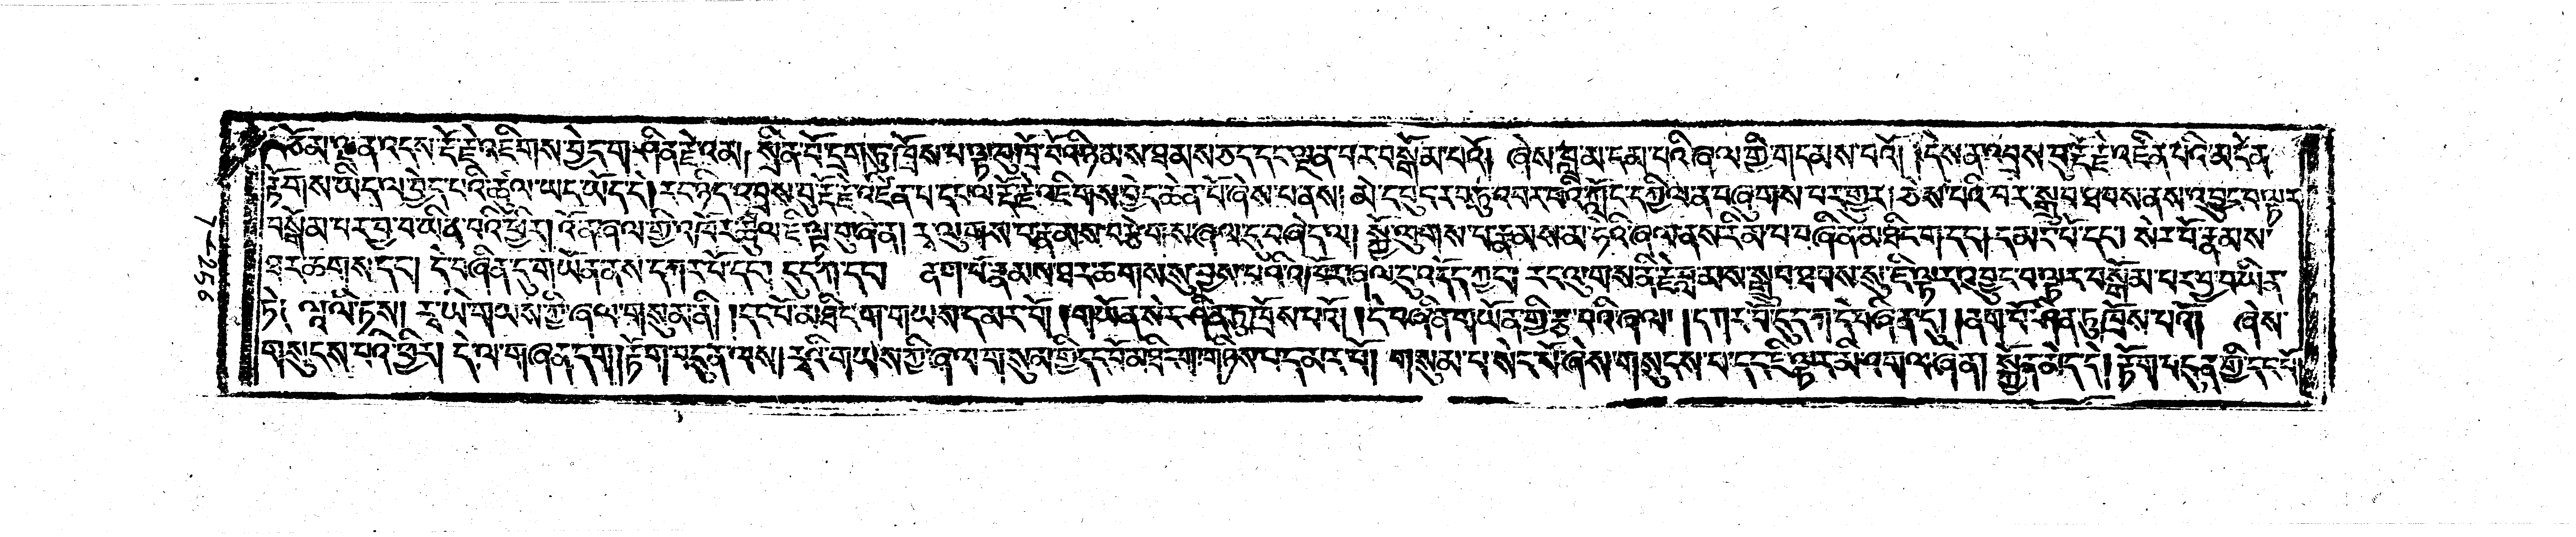བཅོམ་ལྡན་འདས་རྡོ་རྗེ་འཇིགས་བྱེད་གཤིན་རྗེ་འམ། སྲིན་པོ་དྲག་ཏུ་ཁྲོས་པ་ལྟ་བུ་ཁྲོ་བོའི་ཉམས་ཐམས་ཅད་དང་ལྡན་པར་བསྒོམ་པའོ། ཞེས་བླ་མ་དམ་པའི་ཞལ་གྱི་གདམས་པའོ། །དེས་ན་འབྲས་བུ་རྡོ་རྗེ་འཛིན་པའི་མངོན་
རྟོགས་ཡིད་ལ་བྱེད་པའི་ཚུལ་ཡང་ཡོད་དེ། རང་ཉིད་འབྲས་བུ་རྡོ་རྗེ་འཛིན་པ་དཔལ་རྡོ་རྗེ་འཇིགས་བྱེད་ཆེན་པོ་ཞེས་པ་ནས། མེ་དཔུང་རབ་ཏུ་འབར་བའི་ཀློང་དཀྱིལ་ན་བཞུགས་པར་གྱུར། ཅེས་པའི་བར་སྒྲུབ་ཐབས་ནས་འབྱུང་བ་ལྟར་
བསྒོམ་པར་བྱ་བ་ཡིན་པའི་ཕྱིར། འོ་ན་ཞལ་གྱི་འཁོར་ཚུལ་ཇི་ལྟ་བུ་ཞེ་ན། རྭ་ལུགས་པ་རྣམས་བརྩེགས་ཞལ་དུ་བཞེད་པ། སྐྱོ་ལུགས་པ་རྣམས་མ་ཧེའི་ཞལ་ནས་རིམ་པ་བཞིན་མཐིང་ག་དང་། དམར་པོ་དང་། སེར་པོ་རྣམས་
ཐར་ཆགས་དང་། དེ་བཞིན་དུ་གཡོན་ནས་དཀར་པོ་དང་། དུད་ཀ་དང་། ནག་པོ་རྣམས་ཐར་ཆགས་སུ་བྱས་པའི་འཁོར་ཞལ་དུ་འདོད་ཀྱང་། རང་ལུགས་ནི་རྗེ་བླ་མས་སྒྲུབ་ཐབས་སུ་ཇི་ལྟར་འབྱུང་བ་ལྟར་བསྒོམ་པར་བྱ་བ་ཡིན་
ཏེ༑ ལཱ་ལི་ཏས། རྭ་ཡི་གཡས་ཀྱི་ཞལ་གསུམ་ནི། །དང་པོ་མཐིང་ག་གཡས་དམར་པོ། །གཡོན་སེར་ཤིན་ཏུ་ཁྲོས་པའོ། །དེ་བཞིན་གཡོན་གྱི་རྩ་བའི་ཞལ། །དཀར་པོ་དུད་ཀ་དེ་བཞིན་དུ། །ནག་པོ་ཤིན་ཏུ་ཁྲོས་པའོ། ཞེས་
གསུངས་པའི་ཕྱིར། དེ་ལ་གཞན་དག །རྟོག་བདུན་ལས། རྭའི་གཡས་ཀྱི་ཞལ་གསུམ་གྱི་དང་པོ་མཐིང་ག་གཉིས་པ་དམར་པོ། གསུམ་པ་སེར་པོ་ཞེས་གསུངས་པ་དང་ཇི་ལྟར་མི་འགལ་ཞེ་ན། སྐྱོན་མེད་དེ། རྟོག་བདུན་གྱི་དང་པོ་